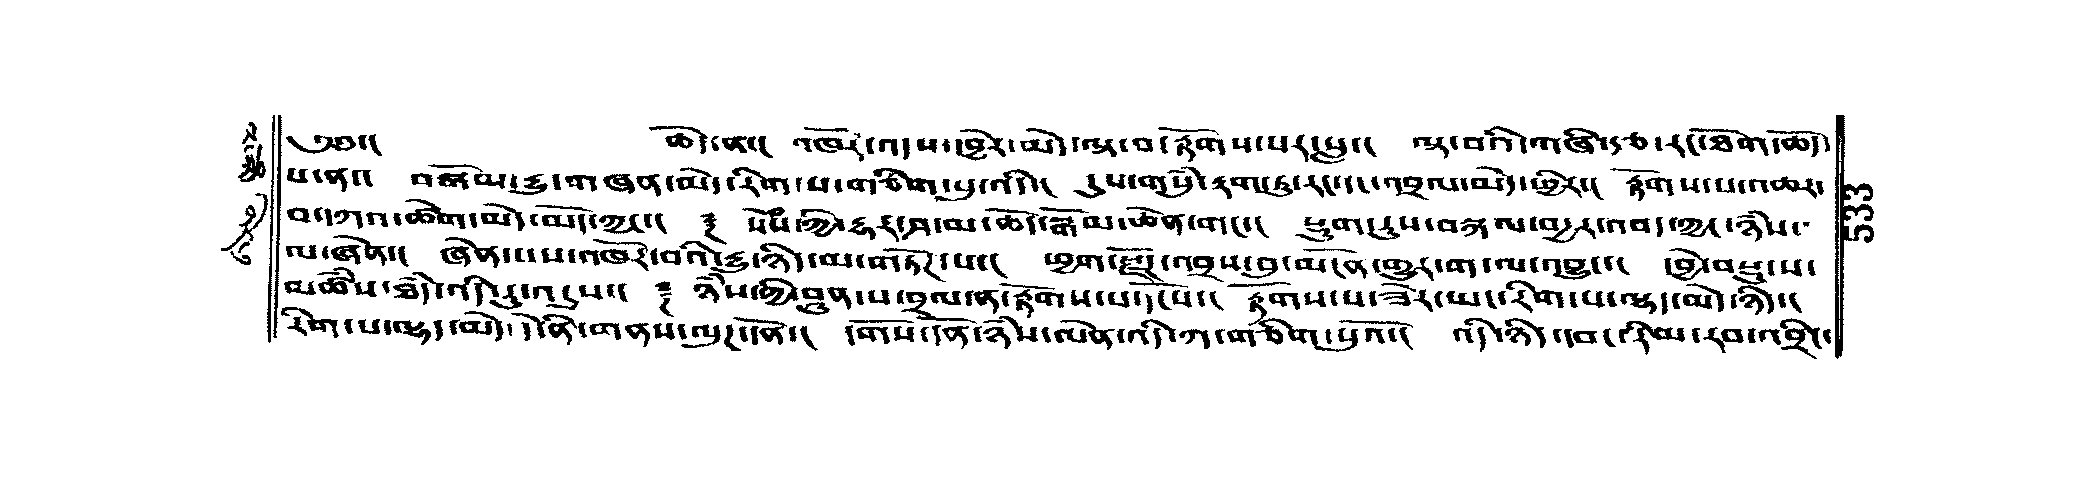ཆོད་ན། །འཁོར་འདས་དབྱེར་མེད་ལྟ་བ་རྟོགས་པར་སླ། །ལྟ་བའི་གཞི་རྩ་རང་ཐོག་ཆོད་
པ་ན། །བསྒོམ་རྒྱུ་གཞན་མེད་རིག་པ་གཅིག་པུ་འདི། །དུས་གསུམ་རྟག་ཏུ་རང་དང་འབྲལ་མེད་ཕྱིར། །རྟོགས་པ་འཆར་
བ་དཀའ་ཚེགས་མེད་མོད་ཀྱང་། ༈ སེམས་ཀྱི་གདར་ཤ་མ་ཆོད་སྒོམ་ཆེན་གང་། །སྡུག་རུས་བསྐལ་བརྒྱར་འབད་ཀྱང་ཉམས་
ལ་ཞེན། །ཞེན་པས་འཁོར་བའི་རྒྱུ་ཉིད་མ་གཏོགས་པ། །ཕྱག་རྫོགས་འབྲས་བུ་མངོན་གྱུར་ག་ལ་འབྱུང་། །དབྱེ་བསྡུ་ས་
མཚམས་ཐམས་ཅད་འདི་རུ་འདུས། ༈ ཉམས་ཀྱི་ཤུན་པ་བྲལ་ན་རྟོགས་པ་དངོས། །རྟོགས་པ་ཟེར་ཡང་རིག་པ་ལྷད་མེད་ཉིད། །
རིག་པ་ལྷད་མེད་དེ་ནི་གནས་ལུགས་དོན། །དགོས་དོན་ཉམས་ལེན་འདི་ཀ་གཅིག་པུའོ། །འདི་ཉིད་དབང་རིམ་རབ་འབྲིང་